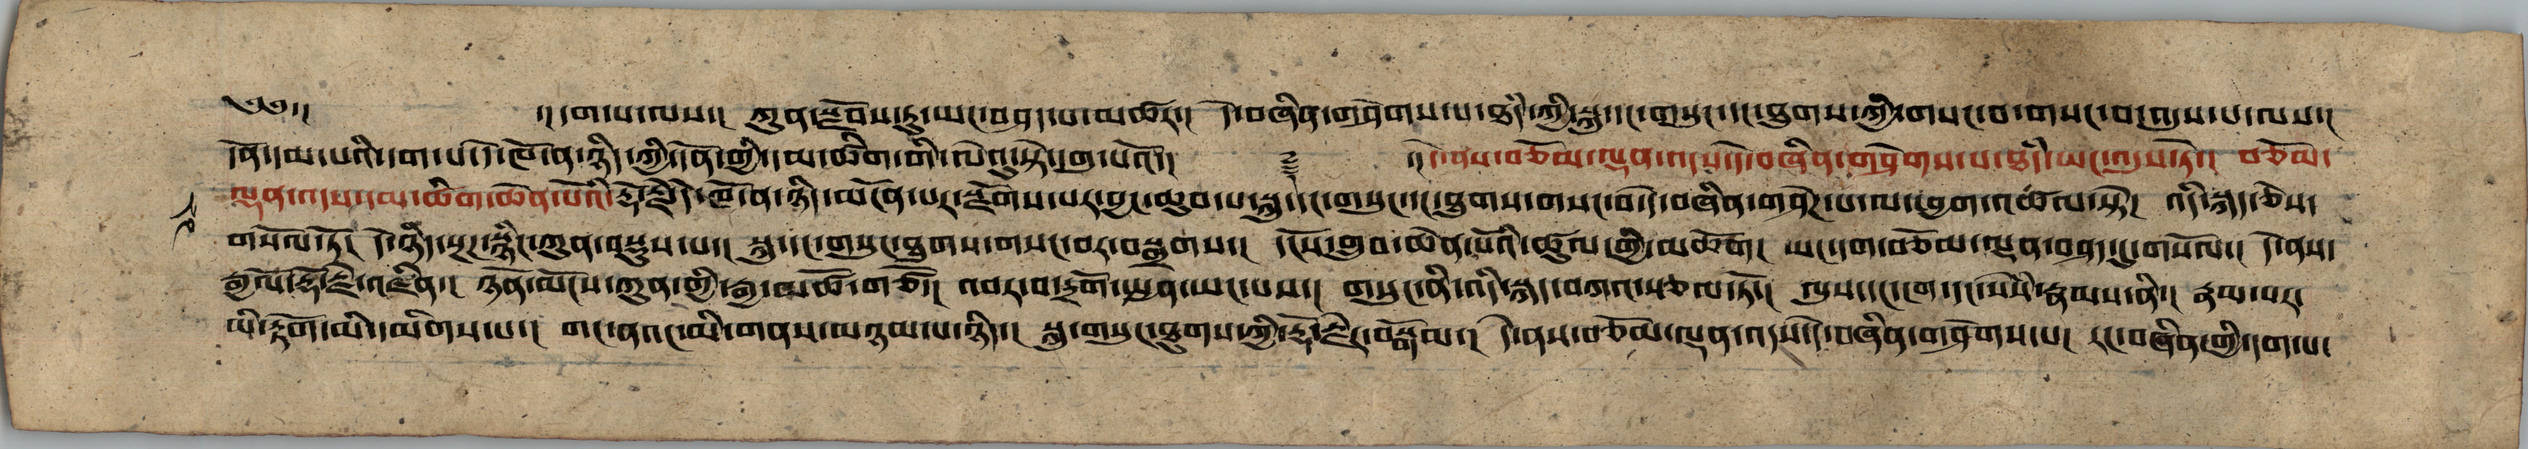༄༅་། ་།དག་པ་ལས་། ཀུན་སྫོབས་ཏུ་ཡང་བཤད་པ་མཚར་། དེ་བཞིན་གཤེགས་པ་ཐཾད་ཀྱི་སྐུ་དང་གསུང་དང་ཐུགས་ཀྱི་གསང་བ་གསང་བ་འདུས་པ་ལས་།
དོན་དམ་པའི་དག་པ་དེ་ཁོ་ན་ཉིད་ཀྱི་དོན་གྱི་དམ་ཚིག་གི་ལེའུ་སྟེ་དགུ་པའོ་། ࿑ ་།དེ་ནས་བཅོམ་ལྡན་འདས་དེ་བཞིན་གཤེགས་པ་ཐཾད་ཡང་འདུས་ཏེ་། བཅོམ་
ལྡན་འདས་ལ་ཚིག་ཆེན་པོའི་རྡོ་རྗེ་དེ་ཁོ་ན་ཉིད་མངོན་པར་སྫོགས་པར་བྱང་ཆུབ་པ་སྐུ་དང་གསུང་དང་ཐུགས་གསང་བ་དེ་བཞིན་གཤེཌ་པ་ལ་ཕྱག་འཚལ་སྟེ་། འདི་སྐད་ཅེས་
གསོལ་ཏོ་། དེ་ཉིད་སྔཌ་སྙིང་ཀུན་བསྡུས་པ་། སྐུ་དང་གསུང་ཐུགས་གསང་བར་བསྒྲགས་། དངོས་གྲུབ་ཆེན་པོའི་ཚུལ་གྱི་མཆོག། ཡང་དག་བཅོམ་ལྡན་བཤད་དུ་གསོལ་། དེ་ནས་
རྒྱལོ་རྡོ་རྗེ་འཛིན་། ཉོན་མོངས་ཀུན་གྱི་རྒྱ་མཚོ་གཙོ་། འབར་བ་དྲགོ་སྤྱན་ཡང་པས་། གསུང་ནི་འདི་སྐད་བཀའ་སྩལ་ཏོ་། ལུས་དང་ངག་དང་སེཾས་རྣམས་ནི་། རྣམ་པར་
མི་རྟོག་མི་དམིགས་པ་། གང་ནའང་མི་གནས་མཉམ་པ་ཉིད་། སྐུ་གསུང་ཐུགས་ཀྱི་རྡོ་རྗེར་བསྒོམ་། དེ་ནས་བཅོམ་ལྡན་འདས་དེ་བཞིན་གཤེགས་པ་། རང་བཞིན་གྱི་དག་པ་